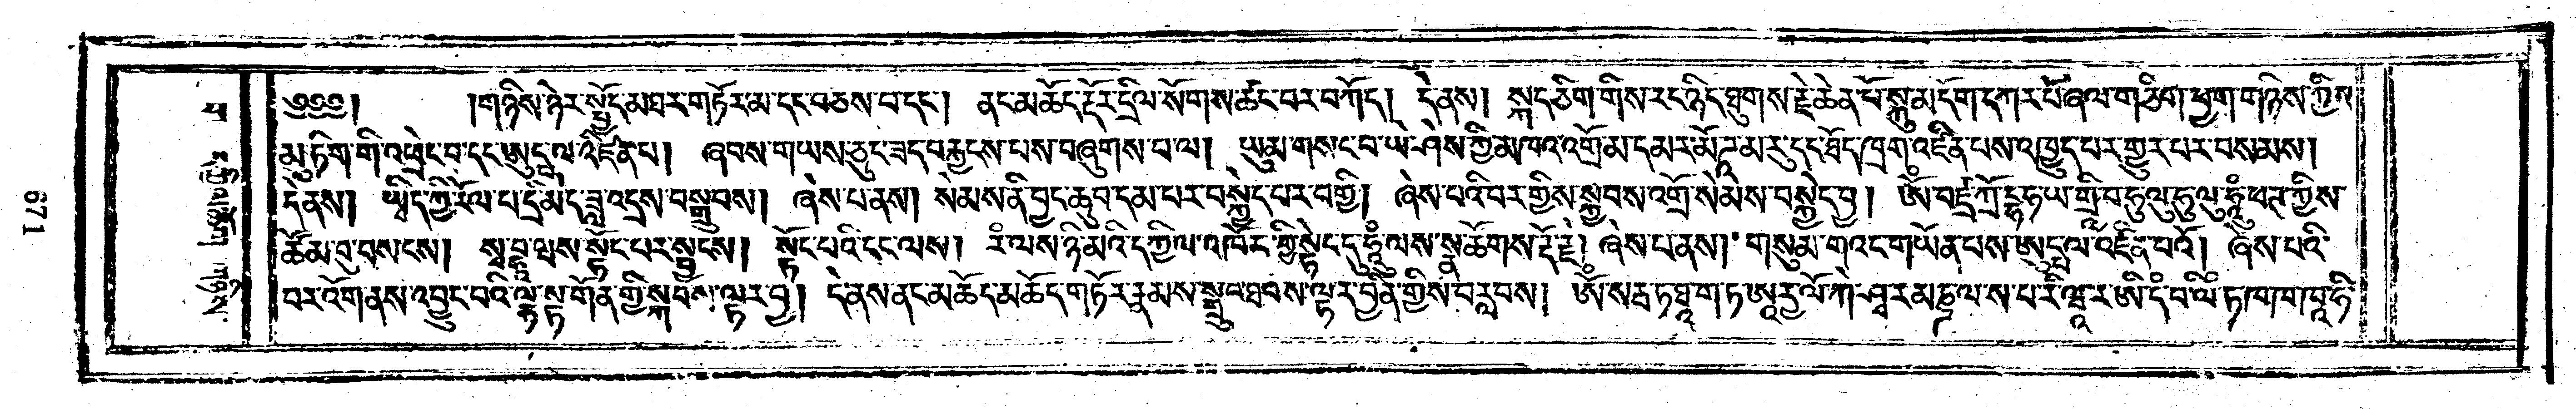༄༅། །གཉིས་ཉེར་སྤྱོད་མཐར་གཏོར་མ་དང་བཅས་པ་དང་། ནང་མཆོད་རྡོར་དྲིལ་སོགས་ཚང་བར་བཀོད། དེ་ནས། སྐད་ཅིག་གིས་རང་ཉིད་ཐུགས་རྗེ་ཆེན་པོ་སྐུ་མདོག་དཀར་པོ་ཞལ་གཅིག་ཕྱག་གཉིས་ཀྱིས་
མུ་ཏིག་གི་འཕྲེང་བ་དང་ཨུདཔ་ལ་འཛིན་པ། ཞབས་གཡས་ཅུང་ཟད་བརྐྱངས་པས་བཞུགས་པ་ལ། ཡུམ་གསང་བ་ཡེ་ཤེས་ཀྱི་མཁའ་འགྲོ་མ་དམར་མོ་ཌཱ་མ་རུ་དང་ཐོད་ཁྲག་འཛིན་པས་འཁྱུད་པར་གྱུར་པར་བསམས།
དེ་ནས། ཡིད་ཀྱི་རོལ་པ་དྲི་མེད་ཟླ་འདྲས་བསྒྲུབས། ཞེས་པ་ནས། སེམས་ནི་བྱང་ཆུབ་དམ་པར་བསྐྱེད་པར་བགྱི། ཞེས་པའི་བར་གྱིས་སྐྱབས་འགྲོ་སེམས་བསྐྱེད་བྱ། ཨོཾ་བཛྲ་ཀྲོ་དྷ་ཧ་ཡ་གྲཱི་བ་ཧུ་ལུ་ཧུ་ལུ་ཧཱུཾ་ཕཊ་ཀྱིས་
ཚོམ་བུ་བསངས། སྭ་བྷཱ་ཝས་སྟོང་པར་སྦྱངས། སྟོང་པའི་ངག་ལས། རཾ་ལས་ཉི་མའི་དཀྱིལ་འཁོར་གྱི་སྟེང་དུ་ཧཱུཾ་ལས་སྣ་ཚོགས་རྡོ་རྗེ། ཞེས་པ་ནས། གསུམ་གའང་གཡོན་པས་ཨུདཔ་ལ་འཛིན་པའོ། ཞེས་པའི་
བར་འོག་ནས་འབྱུང་བའི་ལྷ་སྟ་གོན་གྱི་སྐབས་ལྟར་བྱ། དེ་ནས་ནང་མཆོད་མཆོད་གཏོར་རྣམས་སྒྲུབ་ཐབས་ལྟར་བྱིན་གྱིས་བརླབས། ཨོཾ་སརྦ་ཏ་ཐཱ་ག་ཏ་ཨཱཡ་ལོ་ཀེ་ཤྭ་ར་མཎྜ་ལ་ས་པ་རི་ཝཱ་ར་ཨི་དཾ་བ་ལིཾ་ཏ་ཁ་ཁ་ཁཱ་ཧི་